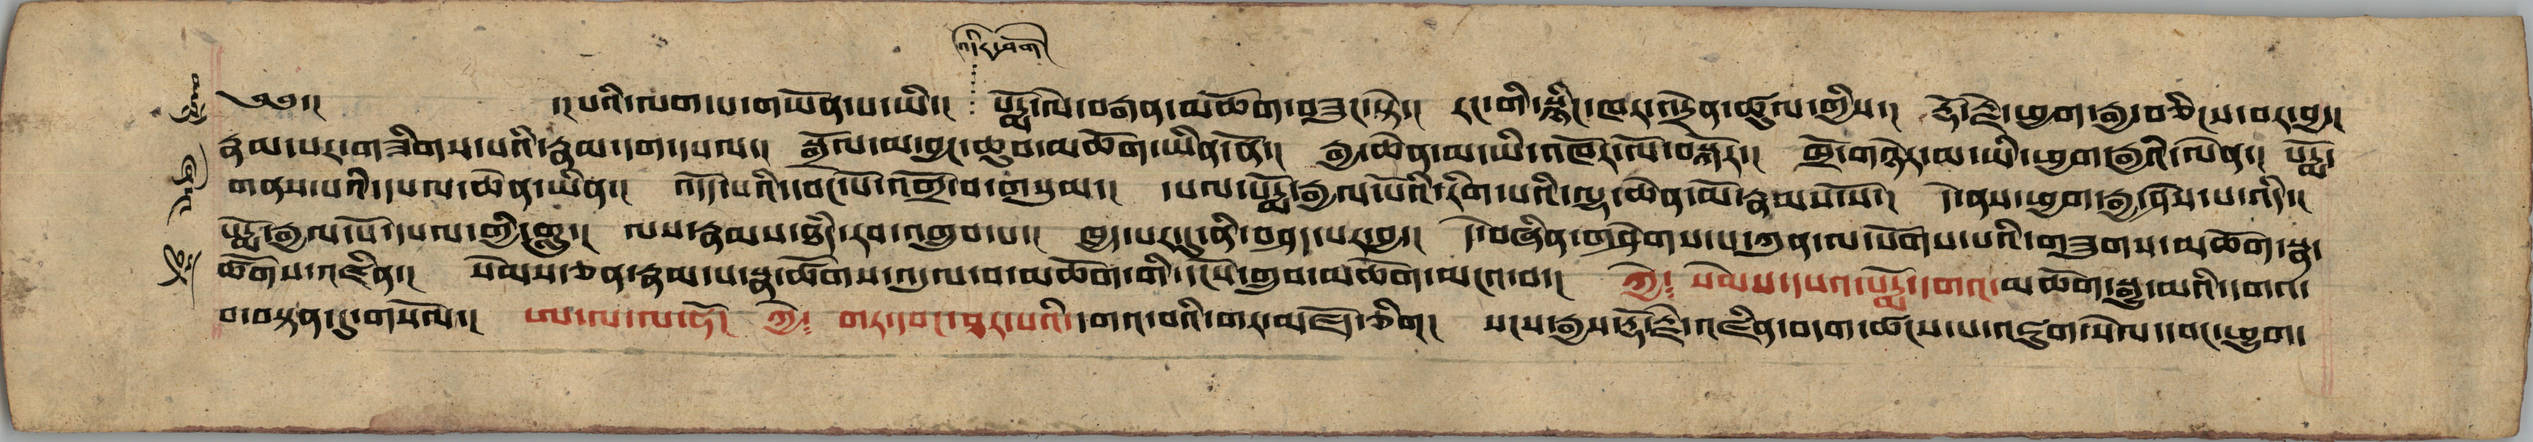༄༅་། ་།པའི་ལག་པ་གཡོན་པ་ཡི་། པདྨོ་ལེ་བརྒན་མཆོག་བཟུང་སྟེ་། རང་གི་སྙིང་ཁར་འདྲེན་ཚུལ་གྱིས་། རྡོ་རྗེ་ཕྱག་རྒྱ་བཅིངས་བར་བྱ་།
རྣམ་པར་གཟིགས་པའི་རྣམ་དག་དཔལ་། སྒྲོལ་མ་བྱང་ཆུབ་མཆོག་ཡིན་ནོ་། རྒྱ་ཆེན་མ་ཡི་འཁོར་ལོ་བསྐོར་། ཁྲོ་གཉེར་མ་ཡི་ཕྱག་རྒྱའི་ལེན་། པདྨོ་
གནས་པའི་དཔལ་ཆེན་ཡིན་། འདོད་པའི་དབང་པོ་འགྲོ་བ་གསུམ་། དཔལ་པདྨོ་རྒྱལ་པོའི་རིག་པའི་ལྷ་ཆེན་མོ་རྣམས་སོ་། དེ་ནས་ཕྱག་རྒྱ་ཤེས་པ་འདི་།
པདྨོ་རྒྱལ་པོ་དཔལ་གྱི་གླུ་། ལས་རྣམས་ཐདཾ་རབ་འགྲུབ་པ་། ཁྱད་པར་དུ་བཤད་པར་བྱ་། དེ་བཞིན་གཤེགས་པ་ཀུན་ལ་སོགས་པའི་གཟུགས་མཆོག་སྣ་
ཚོགས་འཛིན་། སེམས་ཅན་རྣམ་པ་སྣ་ཚོགས་འདུལ་བ་མཆོག་གི་དངོས་གྲུབ་མཆོག་མངའ་བ་། ཀྱེ་ སེམས་དཔའ་པདྨོ་དགའ་མཆོག་སྒྱུ་མའི་དགའ་
བ་བསྟན་དུ་གསོལ་། ཨ་ལ་ལ་ཧོ། ཀྱེ༴ གར་དབང་ཐར་པའི་དགའ་བའི་གར་མཛད་ཅིག། སངས་རྒྱས་རྡོ་རྗེ་འཛིན་བདག་ཚངས་པ་འཇུག་སེལ་དབང་ཕྱུག་